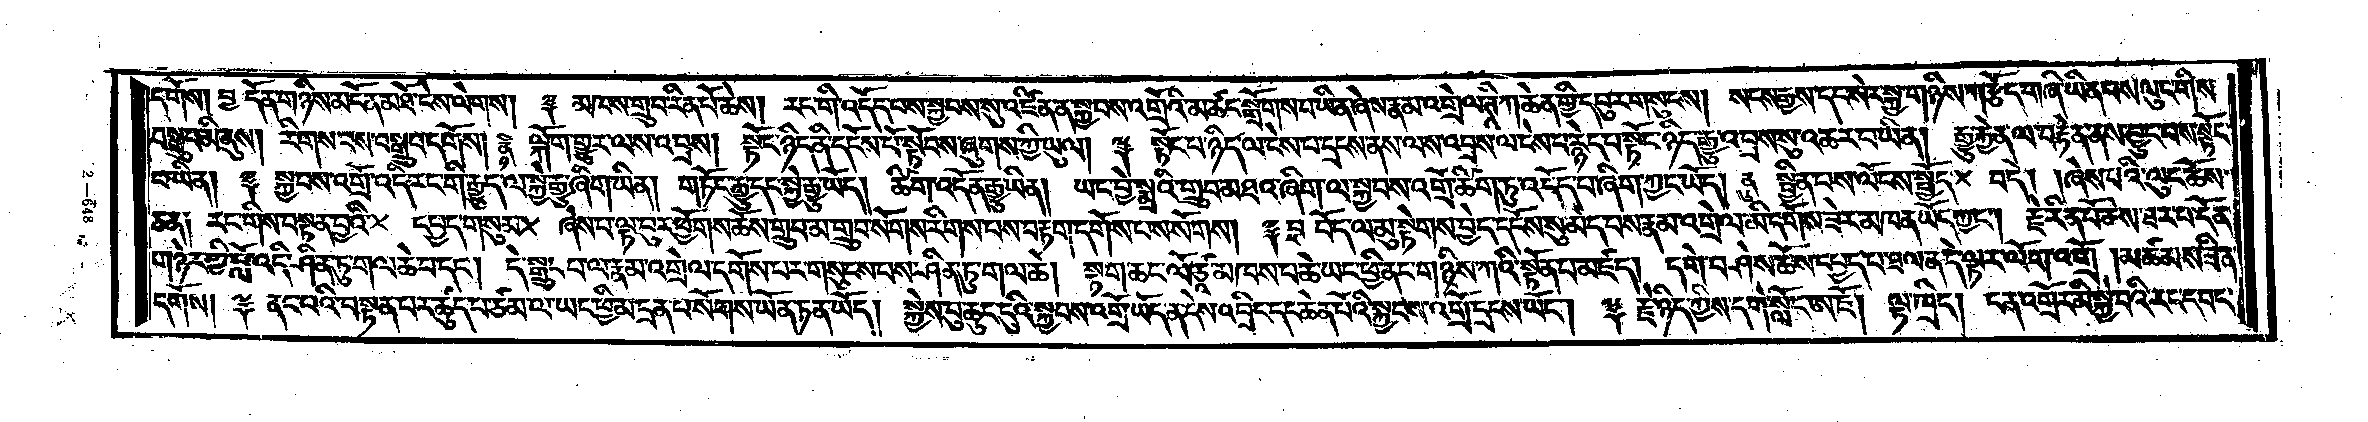འགོག་བྱ་དོན་གཉིས་མངོན་མཐོ་ངེས་ལེགས། ༈ མཁས་གྲུབ་རིན་པོ་ཆེས། རང་གི་འདོད་བས་སྐྱབས་སུ་འཛིན་ན་སྐྱབས་འགྲོའི་མཚང་སྒྲོགས་པ་ཡིན་ཞེས་རྣམ་འགྲེལ་ཊྭིཀ་ཆེན་གྱི་དབུར་གསུངས། སངས་རྒྱས་དང་སེར་སྐྱ་གཉིས་ཀ་རྩོད་གཞི་ཡིན་པས་ལུང་གིས་
གྲུབ་མི་ནུས། རིགས་པས་བསྒྲུབ་དགོས། ༤ན༡་ལྐོག་གྱུར་ལས་འབྲས། སྟོང་ཉིད་ནི་དངོས་པོ་སྟོབས་བཞུགས་ཀྱི་ཡུལ། ༈ སྟོང་པ་ཉིད་ལ་ངེས་པ་དྲངས་ནས་ལས་འབྲས་ལ་ངེས་པ་རྙེད་པ་སྟོང་ཉིད་རྒྱུ་འབྲས་བུ་འཆར་བ་ཡིན། རྒྱུ་རྐྱེན་ལ་བརྟེན་ནས་བྱུང་བས་སྟོང་
ལ་མིན། ༈ སྐྱབས་འགྲོ་འདི་རང་གི་རྒྱུད་ལ་སྐྱེ་རྒྱུ་ཞིག་ཡིན། གཏོང་རྒྱུ་དང་སྐྱེ་རྒྱུ་ཡོད། ཚིག་འདོན་རྒྱུ་ཡིན། ཡང་བྱེ་སྨྲའི་གྲུབ་མཐའ་ཞིག་ལ་སྐྱབས་འགྲོ་ཚིག་ཏུ་འདོད་པ་ཞིག་ཀྱང་ཡོད། ན༦་སྦྱིན་པས་ལོངས་སྤྱོད་྾་བདེ། །ཞེས་པའི་ལུང་ཆོས་
ཅན༑ རང་གིས་བསྟན་བྱའི་྾་དཔྱད་གསུམ་྾་ཞེས་པ་ལྟ་བུར་ཕྱོགས་ཆོས་གྲུབ་མ་གྲུབ་སོགས་རིགས་པས་བརྟག་དགོས་པས་སོགས། ༈ བ༥་བོད་ལ་མུ་སྟེགས་བྱེད་དངོས་སུ་མེད་པས་རྣམ་འགྲེལ་མི་དགོས་ཟེར་མཁན་ཡོད་ཀྱང་། རྗེ་རིན་པོ་ཆེས་ཐར་པ་དོན་
གཉེར་གྱི་བློ་འདི་ཤིན་ཏུ་གལ་ཆེ་བ་དང་། དེ་སྒྲུབ་པ་ལ་རྣམ་འགྲེལ་དགོས་པར་གསུངས་པས་ཤིན་ཏུ་གལ་ཆེ། སྟག་ཆང་ལོ་ཙཱ་མཁས་པ་ཆེ་ཡང་ཕྱི་ནང་གཉིས་ཀའི་སྟོན་པ་མཛད། དགེ་བཤེས་ཆོས་དཔྱད་པ་ཐལ་ན་དེ་ལྟར་ལོག་འགྲོ་།མཚམས་ཟིན་
དགོས། ༈ ནང་བའི་བསྟན་པར་ཚུད་པ་ཙམ་ལ་ཡང་ཕྱི་མ་དྲན་པ་སོགས་ཡོན་ཏན་ཡོད། སྐྱེས་བུ་ཆུང་དུའི་སྐྱབས་འགྲོ་ཡོད་ན་དེས་འབྲིང་དང་ཆེན་པོའི་སྐྱབས་འགྲོ་དྲངས་ཡོད། ༈ རྗེ་ཉིད་ཀྱིས་དགེ་སློང་ཨ་ཇོ། ལྟ་ཁྲིང་། ངན་འགྲོར་མི་སྐྱེ་བའི་རང་དབང་